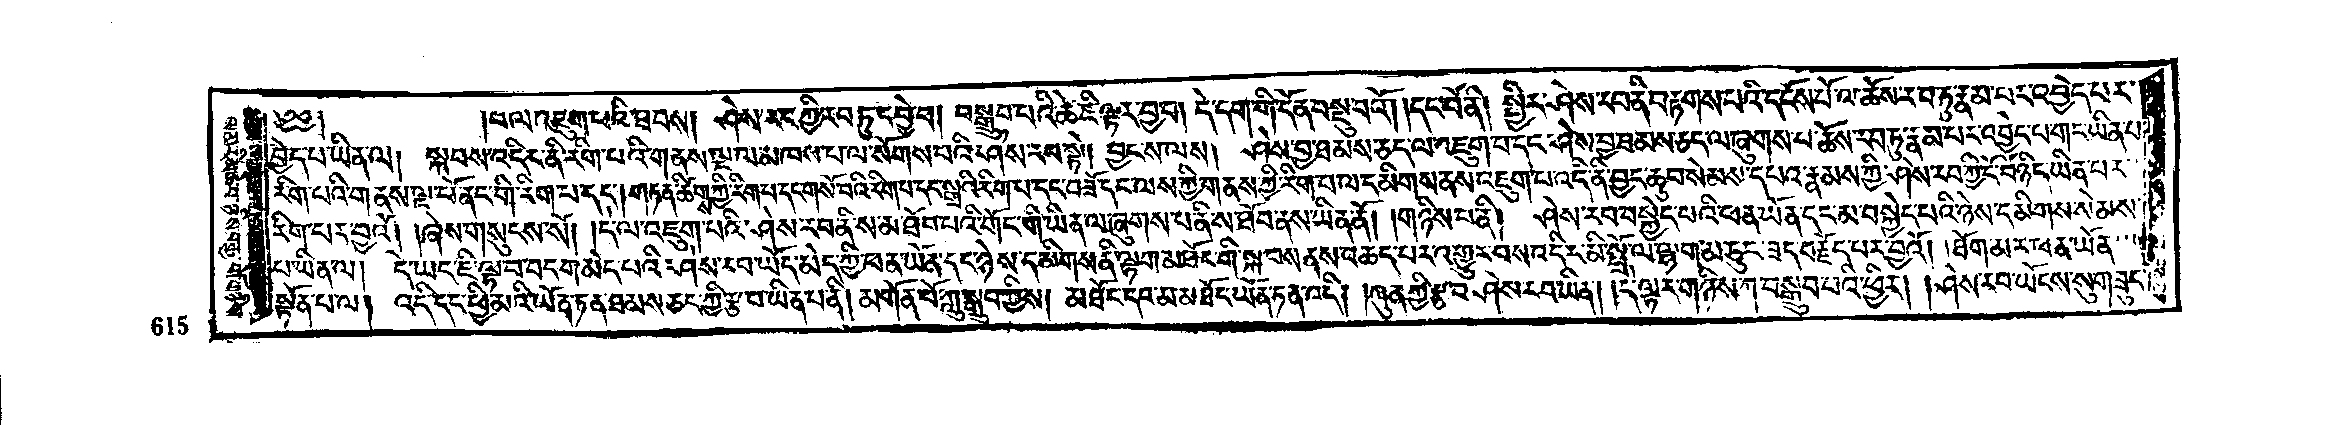༄༅། །པ་ལ་འཇུག་པའི་ཐབས། ཤེས་རབ་ཀྱི་རབ་ཏུ་དབྱེ་བ། བསྒྲུབ་པའི་ཚེ་ཇི་ལྟར་བྱ་བ། དེ་དག་གི་དོན་བསྡུ་བའོ། །དང་པོ་ནི། སྤྱིར་ཤེས་རབ་ནི་བརྟགས་པའི་དངོས་པོ་ལ་ཆོས་རབ་ཏུ་རྣམ་པར་འབྱེད་པར་
བྱེད་པ་ཡིན་ལ། སྐབས་འདིར་ནི་རིག་པའི་གནས་ལྔ་ལ་མཁས་པ་ལ་སོགས་པའི་ཤེས་རབ་སྟེ། བྱང་ས་ལས། ཤེས་བྱ་ཐམས་ཅད་ལ་འཇུག་པ་དང་ཤེས་བྱ་ཐམས་ཅད་ལ་ཞུགས་པ་ཆོས་རབ་ཏུ་རྣམ་པར་འབྱེད་པ་གང་ཡིན་པ་
རིག་པའི་གནས་ལྔ་པོ་ནང་གི་རིག་པ་དང་། གཏན་ཚིགས་ཀྱི་རིག་པ་དང་གསོ་བའི་རིག་པ་དང་སྒྲའི་རིག་པ་དང་བཟོ་དང་ལས་ཀྱི་གནས་ཀྱི་རིག་པ་ལ་དམིགས་ནས་འཇུག་པ་འདི་ནི་བྱང་ཆུབ་སེམས་དཔའ་རྣམས་ཀྱི་ཤེས་རབ་ཀྱི་ངོ་བོ་ཉིད་ཡིན་པར་
རིག་པར་བྱའོ། །ཞེས་གསུངས་སོ། །དེ་ལ་འཇུག་པའི་ཤེས་རབ་ནི་ས་མ་ཐོབ་པའི་གོང་གི་ཡིན་ལ་ཞུགས་པ་ནི་ས་ཐོབ་ནས་ཡིན་ནོ། །གཉིས་པ་ནི། ཤེས་རབ་བསྐྱེད་པའི་ཕན་ཡོན་དང་མ་བསྐྱེད་པའི་ཉེས་དམིགས་སེམས་
པ་ཡིན་ལ། དེ་ཡང་ཇི་ལྟ་བ་བདག་མེད་པའི་ཤེས་རབ་ཡོད་མེད་ཀྱི་ཕན་ཡོན་དང་ཉེས་དམིགས་ནི་ལྷག་མཐོང་གི་སྐབས་ནས་འཆད་པར་འགྱུར་བས་འདིར་མི་སྤྲོ་ལ་ལྷག་མ་ཅུང་ཟད་བརྗོད་པར་བྱའོ། །ཐོག་མར་ཕན་ཡོན་
སྟོན་པ་ལ། འདི་དང་ཕྱི་མའི་ཡོན་ཏན་ཐམས་ཅད་ཀྱི་རྩ་བ་ཡིན་པ་ནི། མགོན་པོ་ཀླུ་སྒྲུབ་ཀྱིས། མཐོང་དང་མ་མཐོང་ཡོན་ཏན་འདི། །ཀུན་གྱི་རྩ་བ་ཤེས་རབ་ཡིན། །དེ་ལྟར་གཉིས་ཀ་བསྒྲུབ་པའི་ཕྱིར། །ཤེས་རབ་ཡོངས་སུ་གཟུང་